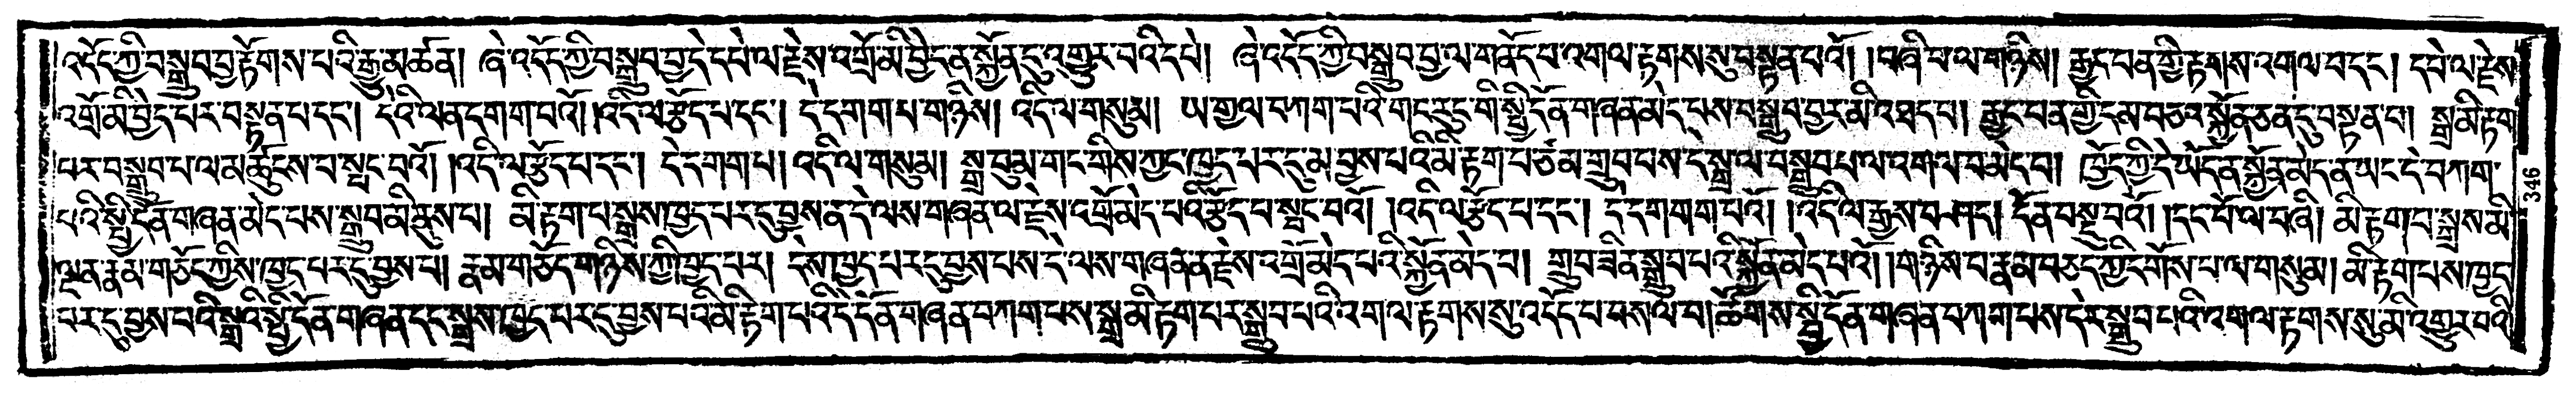འདོད་ཀྱི་བསྒྲུབ་བྱ་རྟོགས་པའི་རྒྱུ་མཚན། ཞེ་འདོད་ཀྱི་བསྒྲུབ་བྱ་དེ་དཔེ་ལ་རྗེས་འགྲོ་མི་བྱེད་ན་སྐྱོན་དུ་འགྱུར་བའི་དཔེ། ཞེ་འདོད་ཀྱི་བསྒྲུབ་བྱ་ལ་གནོད་པ་འགལ་རྟགས་སུ་བསྟན་པའོ། །བཞི་པ་ལ་གཉིས། རྒྱང་པན་གྱི་རྟགས་འགལ་བ་དང་། དཔེ་ལ་རྗེས་
འགྲོ་མི་བྱེད་པར་བསྟན་པ་དང་། དེའི་ལན་དགག་པའོ། །འདི་ལ་རྩོད་པ་དང་། དེ་དགག་པ་གཉིས། འདི་ལ་གསུམ། ཡ་གྱལ་བཀག་པའི་གང་རུང་གི་སྤྱི་དོན་གཞན་མེད་པས་བསྒྲུབ་བྱར་མི་འཐད་པ། རྒྱང་པན་གྱི་དམ་བཅའ་སྐྱོན་ཅན་དུ་བསྟན་པ། སྒྲ་མི་རྟག་
པར་བསྒྲུབ་པ་ལ་མཚུངས་པ་སྤང་བའོ། །འདི་ལ་རྩོད་པ་དང་། དེ་དགག་པ། འདི་ལ་གསུམ། སྒྲ་བུམ་གང་གིས་ཀྱང་ཁྱད་པར་དུ་མ་བྱས་པའི་མི་རྟག་པ་ཙམ་གྲུབ་པས་དེ་སྒྲ་ལ་བསྒྲུབ་པ་ལ་འགལ་བ་མེད་པ། ཁྱོད་ཀྱི་དེ་ཡོད་ན་སྐྱོན་མེད་ན་ཡང་དེ་བཀག་
པའི་སྤྱི་དོན་གཞན་མེད་པས་སྒྲུབ་མི་ནུས་པ། མི་རྟག་པ་སྒྲས་ཁྱད་པར་དུ་བྱས་ན་དེ་ལས་གཞན་ལ་རྗེས་འགྲོ་མེད་པའི་རྩོད་པ་སྤང་བའོ། །འདི་ལ་རྩོད་པ་དང་། དེ་དགག་པའོ། །འདི་ལ་རྒྱས་བཤད། དོན་བསྡུ་བའོ། །དང་པོ་ལ་བཞི། མི་རྟག་པ་སྒྲས་མི་
ལྡན་རྣམ་གཅོད་ཀྱིས་ཁྱད་པར་དུ་བྱས་པ། རྣམ་གཅོད་གཉིས་ཀྱི་ཁྱད་པར། དེས་ཁྱད་པར་དུ་བྱས་པས་དེ་ལས་གཞན་ན་རྗེས་འགྲོ་མེད་པའི་སྐྱོན་མེད་པ། གྲུབ་ཟིན་སྒྲུབ་པའི་སྐྱོན་མེད་པའོ། །གཉིས་པ་རྣམ་བཅད་ཀྱི་དགོས་པ་ལ་གསུམ། མི་རྟག་པས་ཁྱད་
པར་དུ་བྱས་པའི་སྒྲའི་སྤྱི་དོན་གཞན་དང་སྒྲས་ཁྱད་པར་དུ་བྱས་པའི་མི་རྟག་པའི་དེ་དོན་གཞན་བཀག་པས་སྒྲ་མི་རྟག་པར་སྒྲུབ་པའི་འགལ་རྟགས་སུ་འདོད་པ་བསལ་བ། ཚོགས་སྤྱི་དོན་གཞན་བཀག་པས་དེར་སྒྲུབ་པའི་འགལ་རྟགས་སུ་མི་འགྱུར་བའི་